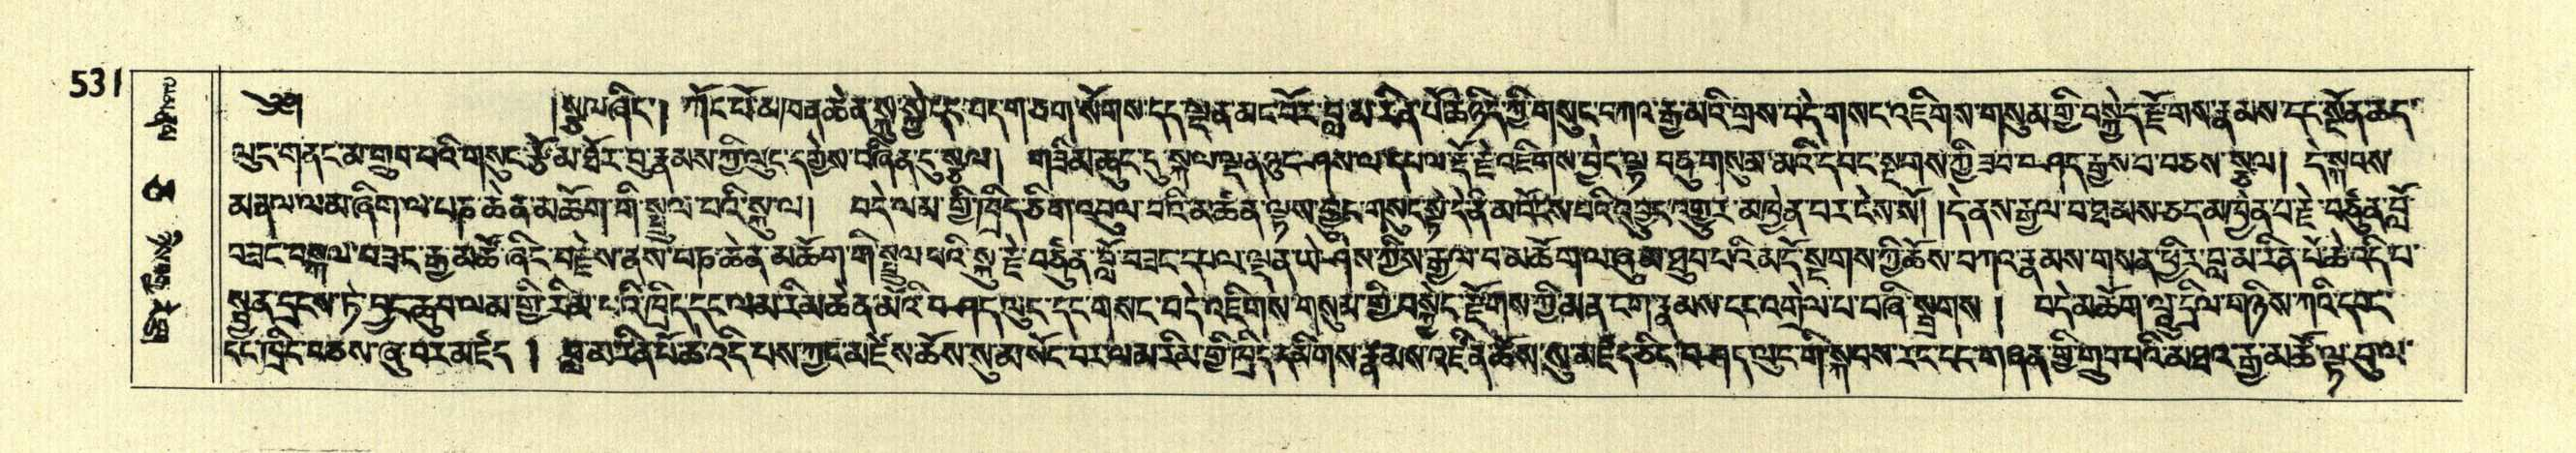༄༅། །སྩལ་ཞིང་། ཀོང་པོ་མཁན་ཆེན་སྐུ་སྐྱེ་དང་བདག་ཅག་སོགས་དད་ལྡན་མང་པོར་བླ་མ་རིན་པོ་ཆེ་ཉིད་ཀྱི་གསུང་བཀའ་རྒྱ་མའི་གྲས་བདེ་གསང་འཇིགས་གསུམ་གྱི་བསྐྱེད་རྫོགས་རྣམས་དང་སྔོན་ཆད་
ལུང་གནང་མ་གྲུབ་པའི་གསུང་རྩོམ་ཐོར་བུ་རྣམས་ཀྱི་ལུང་དགྱེས་བཞིན་དུ་སྩལ། གཟིམ་ཆུང་དུ་སྐལ་ལྡན་ཉུང་ཤས་ལ་དཔལ་རྡོ་རྗེ་འཇིགས་བྱེད་ལྷ་བཅུ་གསུམ་མའི་དབང་སྔགས་ཀྱི་ཟབ་བཤད་རྒྱས་པ་བཅས་སྩལ། དེ་སྐབས་
མནལ་ལམ་ཞིག་ལ་པཎ་ཆེན་མཆོག་གི་སྤྲུལ་པའི་སྐུ་ལ། བདེ་ལམ་གྱི་ཁྲིད་ཅིག་འབུལ་བའི་མཚན་ལྟས་བྱུང་གསུང་སྟེ་དེ་ནི་མ་འོངས་པའི་འབྱུང་འགྱུར་མཁྱེན་པར་ངེས་སོ། །དེ་ནས་རྒྱལ་བ་ཐམས་ཅད་མཁྱེན་པ་རྗེ་བཙུན་བློ་
བཟང་བསྐལ་བཟང་རྒྱ་མཚོ་ཞིང་བརྗེས་ནས་པཎ་ཆེན་མཆོག་གི་སྤྲུལ་པའི་སྐུ་རྗེ་བཙུན་བློ་བཟང་དཔལ་ལྡན་ཡེ་ཤེས་ཀྱིས་རྒྱལ་བ་མཆོག་ལ་ཞུ་མ་ཐུབ་པའི་མདོ་སྔགས་ཀྱི་ཆོས་བཀའ་རྣམས་གསན་ཕྱིར་བླ་མ་རིན་པོ་ཆེ་འདི་པ་
སྤྱན་དྲངས་ཏེ་བྱང་ཆུབ་ལམ་གྱི་རིམ་པའི་ཁྲིད་དང་ལམ་རིམ་ཆེན་མོའི་བཤད་ལུང་དང་གསང་བ་དེ་འཇིགས་གསུམ་གྱི་བསྐྱེད་རྫོགས་ཀྱི་མན་ངག་རྣམས་དང་འགྲེལ་པ་བཞི་སྦྲགས། བདེ་མཆོག་ལཱུ་དྲིལ་གཉིས་ཀའི་དབང་
དང་ཁྲིད་བཅས་ཞུ་བར་མཛད། བླ་མ་རིན་པོ་ཆེ་འདི་པས་ཀྱང་མཛེས་ཆོས་སུ་མ་སོང་བར་ལམ་རིམ་གྱི་ཁྲིད་དམིགས་རྣམས་འཛིན་ཆོས་སུ་མཛད་ཅིང་བཤད་ལུང་གི་སྐབས་རང་དང་གཞན་གྱི་གྲུབ་པའི་མཐའ་རྒྱ་མཚོ་ལྟ་བུ་ལ་